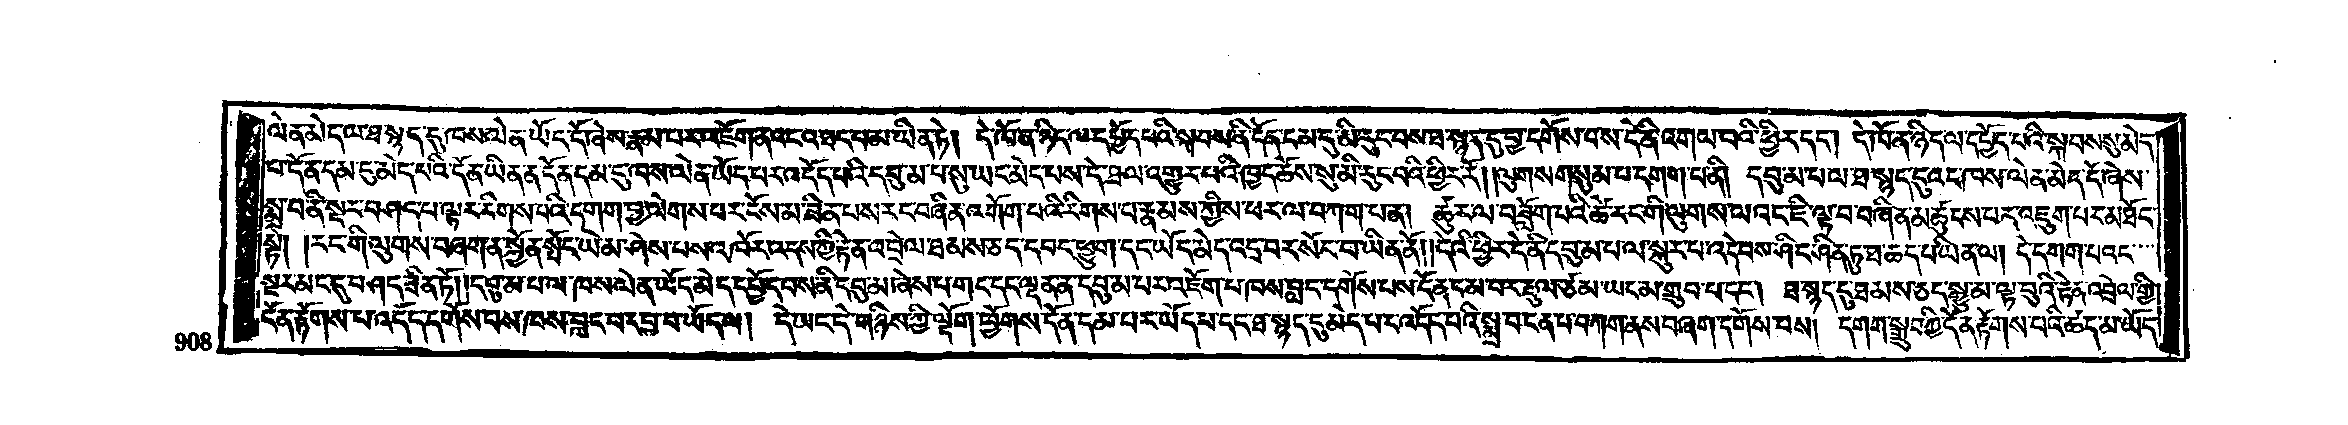ལེན་མེད་ལ་ཐ་སྙད་དུ་ཁས་ལེན་ཡོད་དོ་ཞེས་རྣམ་པར་འཇོག་ནའང་འཐད་པ་མ་ཡིན་ཏེ། དེ་ཁོ་ན་ཉིད་ལ་དཔྱོད་པའི་སྐབས་ནི་དོན་དམ་དུ་མི་རུང་བས་ཐ་སྙད་དུ་བྱ་དགོས་པས་དེ་ནི་འགལ་བའི་ཕྱིར་དང་། དེ་ཁོ་ན་ཉིད་ལ་དཔྱོད་པའི་སྐབས་སུ་མེད་
པ་དོན་དམ་དུ་མེད་པའི་དོན་ཡིན་ན་དོན་དམ་དུ་ཁས་ལེན་ཡོད་པར་འདོད་པའི་དབུ་མ་པ་སུ་ཡང་མེད་པས་དེ་ཐལ་འགྱུར་བའི་ཁྱད་ཆོས་སུ་མི་རུང་བའི་ཕྱིར་རོ། །ལུགས་གསུམ་པ་དགག་པ་ནི། དབུ་མ་པ་ལ་ཐ་སྙད་དུའང་ཁས་ལེན་མེད་དོ་ཞེས་
སྨྲ་བ་ནི་སྔར་བཤད་པ་ལྟར་རིགས་པའི་དགག་བྱ་ལེགས་པར་ངོས་མ་ཟིན་པས་རང་བཞིན་འགོག་པའི་རིགས་པ་རྣམས་ཀྱིས་ཕར་ལ་བཀག་པ་ན། ཚུར་ལ་བཟློག་པའི་ཚེ་རང་གི་ལུགས་ལའང་ཇི་ལྟ་བ་བཞིན་མཚུངས་པར་འཇུག་པར་མཐོང་
སྟེ༑ རང་གི་ལུགས་བཞག་ན་སྐྱོན་སྤོང་ཡེ་མ་ཤེས་པས་འཁོར་འདས་ཀྱི་རྟེན་འབྲེལ་ཐམས་ཅད་དབང་ཕྱུག་དང་ཡོད་མེད་འདྲ་བར་སོང་བ་ཡིན་ནོ། །དེའི་ཕྱིར་དེ་ནི་དབུ་མ་པ་ལ་སྐུར་པ་འདེབས་ཤིང་ཤིན་ཏུ་ཐ་ཆད་པ་ཡིན་ལ། དེ་དགག་པའང་
སྔར་མང་དུ་བཤད་ཟིན་ཏོ། །དབུ་མ་པ་ལ་ཁས་ལེན་ཡོད་མེད་དཔྱོད་པས་ནི་དབུ་མ་ཞེས་པ་གང་དང་ལྡན་ན་དབུ་མ་པར་འཇོག་པ་ཁས་བླང་དགོས་པས་དོན་དམ་པར་རྡུལ་ཙམ་ཡང་མ་གྲུབ་པ་དང་། ཐ་སྙད་དུ་ཐམས་ཅད་སྒྱུ་མ་ལྟ་བུའི་རྟེན་འབྲེལ་གྱི་
དོན་རྟོགས་པ་འདོད་དགོས་པས་ཁས་བླང་བར་བྱ་བ་ཡོད་ལ། དེ་ཡང་དེ་གཉིས་ཀྱི་ལྡོག་ཕྱོགས་དོན་དམ་པར་ཡོད་པ་དང་ཐ་སྙད་དུ་མེད་པར་འདོད་པའི་སྨྲ་བ་ངན་པ་བཀག་ནས་བཞག་དགོས་པས། དགག་སྒྲུབ་ཀྱི་དོན་རྟོགས་པའི་ཚད་མ་ཡོད་